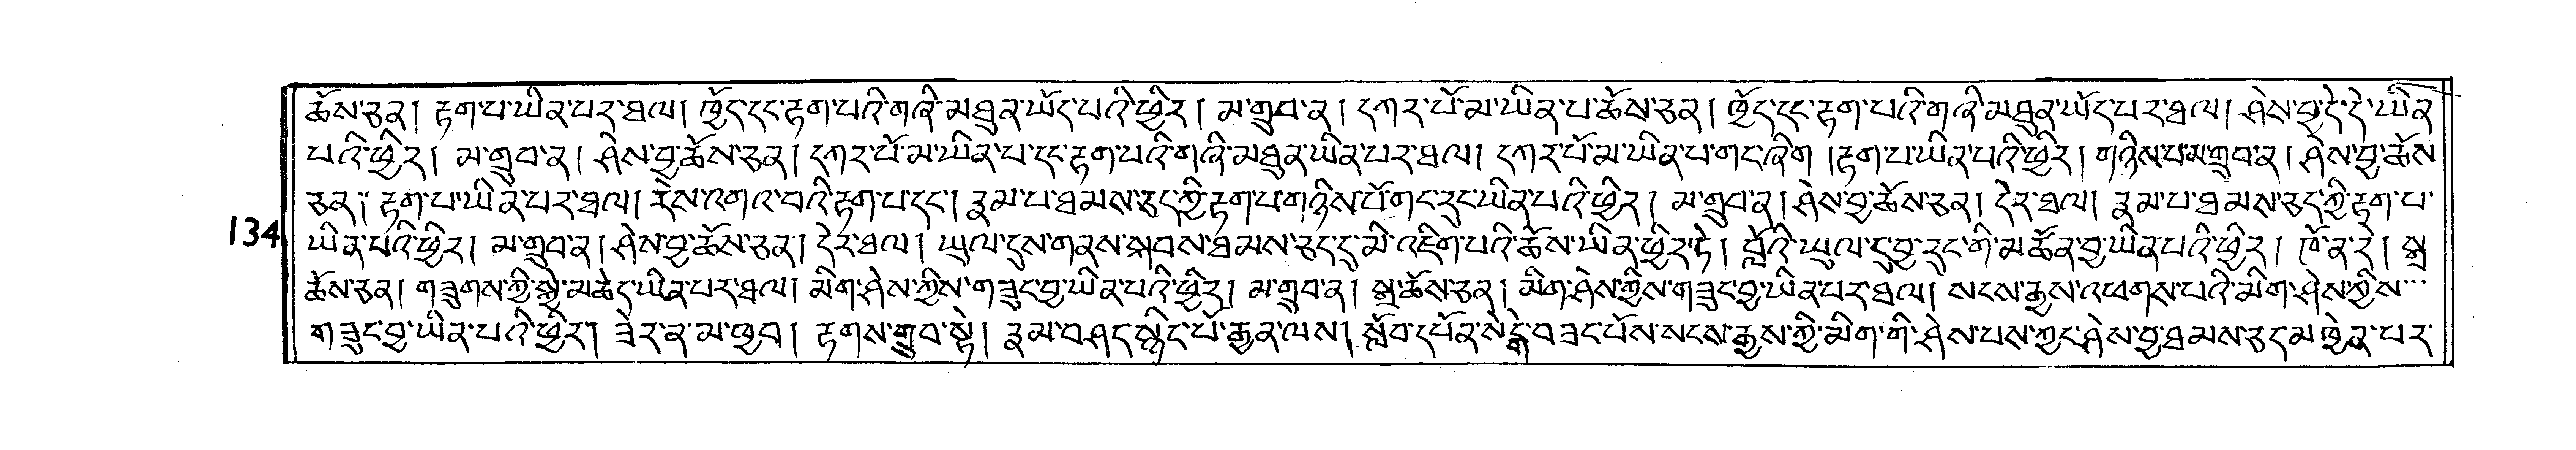ཆོས་ཅན། རྟག་པ་ཡིན་པར་ཐལ། ཁྱོད་དང་རྟག་པའི་གཞི་མཐུན་ཡོད་པའི་ཕྱིར། མ་གྲུབ་ན། དཀར་པོ་མ་ཡིན་པ་ཆོས་ཅན། ཁྱོད་དང་རྟག་པའི་གཞི་མཐུན་ཡོད་པར་ཐལ། ཤེས་བྱ་དེ་དེ་ཡིན་
པའི་ཕྱིར། མ་གྲུབ་ན། ཤིས་བྱ་ཆོས་ཅན། དཀར་པོ་མ་ཡིན་པ་དང་རྟག་པའི་གཞི་མཐུན་ཡིན་པར་ཐལ། དཀར་པོ་མ་ཡིན་པ་གང་ཞིག །རྟག་པ་ཡིན་པའི་ཕྱིར། གཉིས་པ་མ་རུབ་ན། ཤེས་བྱ་ཆོས་
ཅན༑ རྟག་པ་ཡིན་པར་ཐལ། རེས་འགའ་བའི་རྟག་པ་དང་། རྣམ་པ་ཐམས་ཅད་ཀྱི་རྟག་པ་གཉིས་པོ་གང་རུང་ཡིན་པའི་ཕྱིར། མ་གྲུབ་ན། ཤེས་བྱ་ཆོས་ཅན། དེར་ཐལ། རྣམ་པ་ཐམས་ཅད་ཀྱི་རྟག་པ་
ཡིན་པའི་ཕྱིར། མ་གྲུབ་ན། ཤེས་བྱ་ཆོས་ཅན། དེར་ཐལ། ཡུལ་དུ་གནས་སྐབས་ཐམས་ཅད་དུ་མི་འཇིག་པའི་ཆོས་ཡིན་ཕྱིར་ཏེ། བློའི་ཡུལ་དུ་བྱ་རུང་གི་མཚོན་བྱ་ཡིན་པའི་ཕྱིར། ཁོ་ན་རེ། སྒྲ་
ཆོས་ཅན། གཟུགས་ཀྱི་སྐྱེ་མཆེད་ཡིན་པར་ཐལ། མིག་ཤེས་ཀྱིས་གཟུང་བྱ་ཡིན་པའི་ཕྱིར། མ་གྲུབ་ན། སྒྲ་ཆོས་ཅན། མིག་ཤེས་ཀྱིས་གཟུང་བྱ་ཡིན་པར་ཐལ། སངས་རྒྱས་འཕགས་པའི་མིག་ཤེས་ཀྱིས་
གཟུང་བྱ་ཡིན་པའི་ཕྱིར། ཟེར་ན་མ་ཁྱབ། རྟགས་གྲུབ་སྟེ། རྣམ་བཤད་སྙིང་པོ་རྒྱན་ལས། སློབ་དཔོན་སེངྒེ་བཟང་པོས་སངས་རྒྱས་ཀྱི་མིག་གི་ཤེས་པས་ཀྱང་ཤེས་བྱ་ཐམས་ཅད་མཁྱེན་པར་